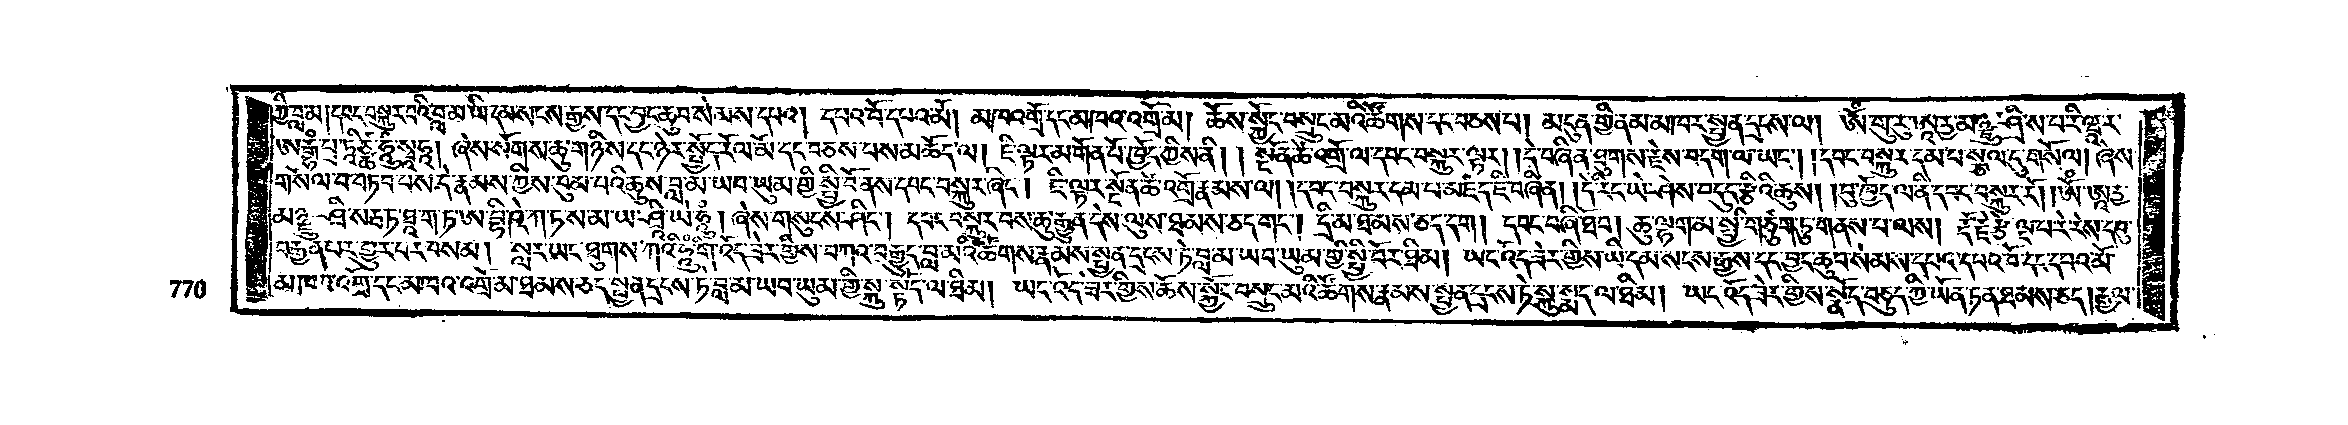ཀྱི་བླ་མ། དབང་བསྐུར་བའི་བླ་མ་ཡི་དམ་སངས་རྒྱས་དང་བྱང་ཆུབ་སེམས་དཔའ། དཔའ་བོ་དཔའ་མོ། མཁའ་འགྲོ་དང་མཁའ་འགྲོ་མ། ཆོས་སྐྱོང་བསྲུང་མའི་ཚོགས་དང་བཅས་པ། མདུན་གྱི་ནམ་མཁར་སྤྱན་དྲངས་ལ། ཨོཾ་གུ་རུ་ཨཱ་རཡ་མཉྫུ་ཤྲི་ས་པ་རི་ཝཱ་ར་
ཨརྒྷཾ་པྲ་ཏཱི་ཙྪ་ཧཱུཾ་སྭཱ་ཧཱ། ཞེས་སོགས་ཆུ་གཉིས་དང་ཉེར་སྤྱོད་རོལ་མོ་དང་བཅས་པས་མཆོད་ལ། ཇི་ལྟར་མགོན་པོ་ཁྱོད་ཀྱིས་ནི། །སྔོན་ཚེ་འགྲོ་ལ་དབང་བསྐུར་ལྟར། །དེ་བཞིན་ཐུགས་རྗེས་བདག་ལ་ཡང་། །དབང་བསྐུར་དམ་པ་སྩལ་དུ་གསོལ། ཞེས་
གསོལ་བ་བཏབ་པས་དེ་རྣམས་ཀྱིས་བུམ་པའི་ཆུས་བླ་མ་ཡབ་ཡུམ་གྱི་སྤྱི་བོ་ནས་དབང་བསྐུར་ཞིང་། ཇི་ལྟར་སྔོན་ཚེ་འགྲོ་རྣམས་ལ། །དབང་བསྐུར་དམ་པ་མཛད་ཇི་བཞིན། །དེ་རིང་ཡེ་ཤེས་བདུད་རྩིའི་ཆུས། །བུ་ཁྱོད་ལ་ནི་དབང་བསྐུར་རོ། །ཨོཾ་ཨཱརཡ་
མཉྫུ་ཤྲི་སརྦ་ཏ་ཐཱ་ག་ཏ་ཨ་བྷི་ཥེ་ཀ་ཏ་ས་མ་ཡ་ཤྲཱི་ཡེ་ཧཱུཾ། ཞེས་གསུངས་ཤིང་། དབང་བསྐུར་བས་ཆུ་རྒྱུན་དེས་ལུས་ཐམས་ཅད་གང་། དྲི་མ་ཐམས་ཅད་དག །དབང་བཞི་ཐོབ། ཆུ་ལྷག་མ་སྤྱི་གཙུག་ཏུ་གནས་པ་ལས། རྡོ་རྗེ་རྩེ་ལྔ་པ་རེ་རེས་དབུ་
བརྒྱན་པར་གྱུར་པར་བསམ། སླར་ཡང་ཐུགས་ཀའི་ཧཱུཾ་གི་འོད་ཟེར་གྱིས་བཀའ་བརྒྱུད་བླ་མའི་ཚོགས་རྣམས་སྤྱན་དྲངས་ཏེ་བླ་མ་ཡབ་ཡུམ་གྱི་སྤྱི་བོར་ཐིམ། ཡང་འོད་ཟེར་གྱིས་ཡི་དམ་སངས་རྒྱས་དང་བྱང་ཆུབ་སེམས་དཔའ་དཔའ་བོ་དང་དཔའ་མོ་
མཁའ་འགྲོ་དང་མཁའ་འགྲོ་མ་ཐམས་ཅད་སྤྱན་དྲངས་ཏེ་བླ་མ་ཡབ་ཡུམ་གྱི་སྐུ་སྟོད་ལ་ཐིམ། ཡང་འོད་ཟེར་གྱིས་ཆོས་སྐྱོང་བསྲུང་མའི་ཚོགས་རྣམས་སྤྱན་དྲངས་ཏེ་སྐུ་སྨད་ལ་ཐིམ། ཡང་འོད་ཟེར་གྱིས་སྣོད་བཅུད་ཀྱི་ཡོན་ཏན་ཐམས་ཅད། རྒྱལ་